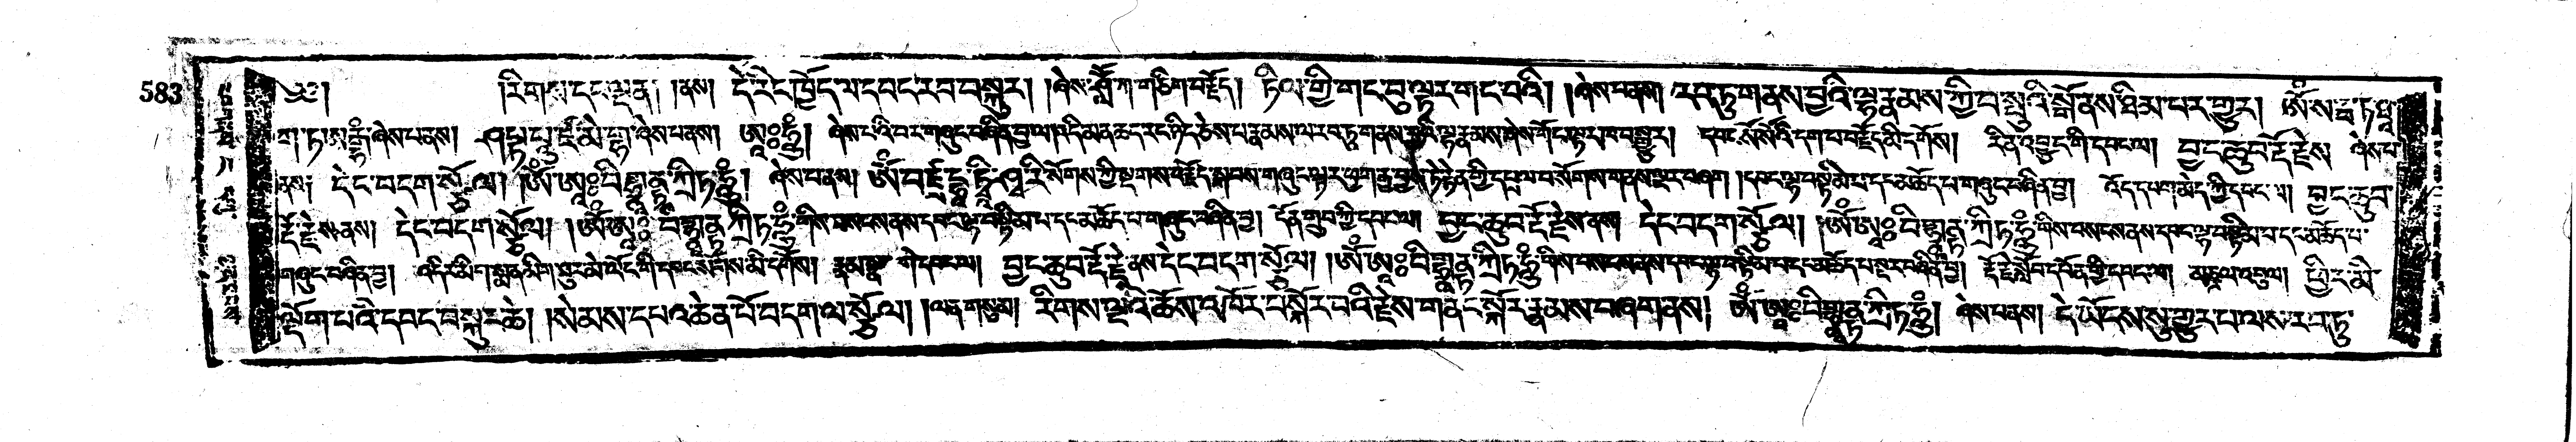༄༅། །རིགས་དང་ལྡན། །ནས།  དེ་རིང་ཁྱོད་ལ་དབང་རབ་བསྐུར། །ཞེས་ཤླཽ་ཀ་གཅིག་བརྗོད།  ཏིལ་གྱི་གང་བུ་ལྟར་གང་བའི། །ཞེས་པ་ནས།  རབ་ཏུ་གནས་བྱའི་ལྷ་རྣམས་ཀྱི་བ་སྤུའི་སྒོ་ནས་ཐིམ་པར་གྱུར། ཨོཾ་སརྦ་ཏཐཱ་
ག་ཏ་ཨརྒྷཾ་ཞེས་པ་ནས།  ཤཔྟ་པཱུ་ཛ་མེ་གྷ་ཞེས་པ་ནས།  ཨཱཿཧཱུཾ། ཞེས་པའི་བར་གཞུང་བཞིན་བྱ་ལ། འདི་མན་ཆད་རང་ཉིད་ཅེས་པ་རྣམས་ལ་རབ་ཏུ་གནས་བྱའི་ལྷ་རྣམས་ཞེས་གོང་ལྟར་ཁ་བསྒྱུར། དབང་སོ་སོའི་དག་བ་བརྗོད་མི་དགོས། རིན་འབྱུང་གི་དབང་ལ།  བྱང་ཆུབ་རྡོ་རྗེས་ཞེས་པ་
ནས༑ དེང་བདག་སྩོལ། །ཨོཾ་ཨཱཿབིགྷྣཱནྟ་ཀྲིཏ་ཧཱུཾ། ཞེས་པ་ནས།  ཨོཾ་བཛྲ་དྷཱ་ཏྭཱི་ཤྭ་རི་སོགས་ཀྱི་སྔགས་བརྗོད་སྐབས་གཞུང་ལྟར་ཕྱག་རྒྱ་བྱས་ཏེ་རྟེན་གྱི་དཔྲལ་བ་སོགས་གནས་ལྔར་བཞག །དབང་ལྷ་བསྟིམ་པ་དང་མཆོད་པ་གཞུང་བཞིན་བྱ། འོད་དཔག་མེད་ཀྱི་དབང་ལ།  བྱང་ཆུབ་
རྡོ་རྗེས་ནས། དེང་བདག་སྩོལ། །ཨོཾ་ཨཱཿབིགྷྣཱནྟ་ཀྲིཏ་ཧཱུཾ་གིས་བསངས་ནས་དབང་ལྷ་བསྟིམ་པ་དང་མཆོད་པ་གཞུང་བཞིན་བྱ། དོན་གྲུབ་ཀྱི་དབང་ལ།  བྱང་ཆུབ་རྡོ་རྗེས་ནས།  དེང་བདག་སྩོལ། །ཨོཾ་ཨཱཿབིགྷྣྰྣྟ་ཀྲིཏ་ཧཱུཾ་གིས་བསངས་ནས་དབང་ལྷ་བསྟིམ་པ་དང་མཆོད་པ་
གཞུང་བཞིན་བྱ། འདིར་མིག་སྨན་མིག་ཐུར་མེ་ལོང་གི་དབང་སོགས་མི་དགོས། རྣམ་སྣང་གི་དབང་ལ། བྱང་ཆུབ་རྡོ་རྗེ་ནས་དེ་ལ་བདག་སྩོལ། །ཨོཾ་ཨཱཿབིགྷྣྰྣྟ་ཀྲིཏ་ཧཱུམ་གིས་བསངས་ནས་དབང་ལྷ་བསྟིམ་པ་དང་མཆོད་པ་སྔར་བཞིན་བྱ། རྡོ་རྗེ་སློབ་དཔོན་གྱི་དབང་ལ། མཎྜལ་འབུལ།  ཕྱིར་མི་
ལྡོག་པའི་དབང་བསྐུར་ཆེ། །སེམས་དཔའ་ཆེན་པོ་བདག་ལ་སྩོལ། །ལན་གསུམ།  རིགས་ལྔའི་ཆོས་འཁོར་བསྐོར་བའི་རྗེས་གནང་སྐོར་རྣམས་བཞག་ནས། ཨོཾ་ཨཱཿབིགྷྣྰྣྟ་ཀྲིཏ་ཧཱུཾ། ཞེས་པ་ནས།  དེ་ཡོངས་སུ་གྱུར་པ་ལས་རབ་ཏུ་